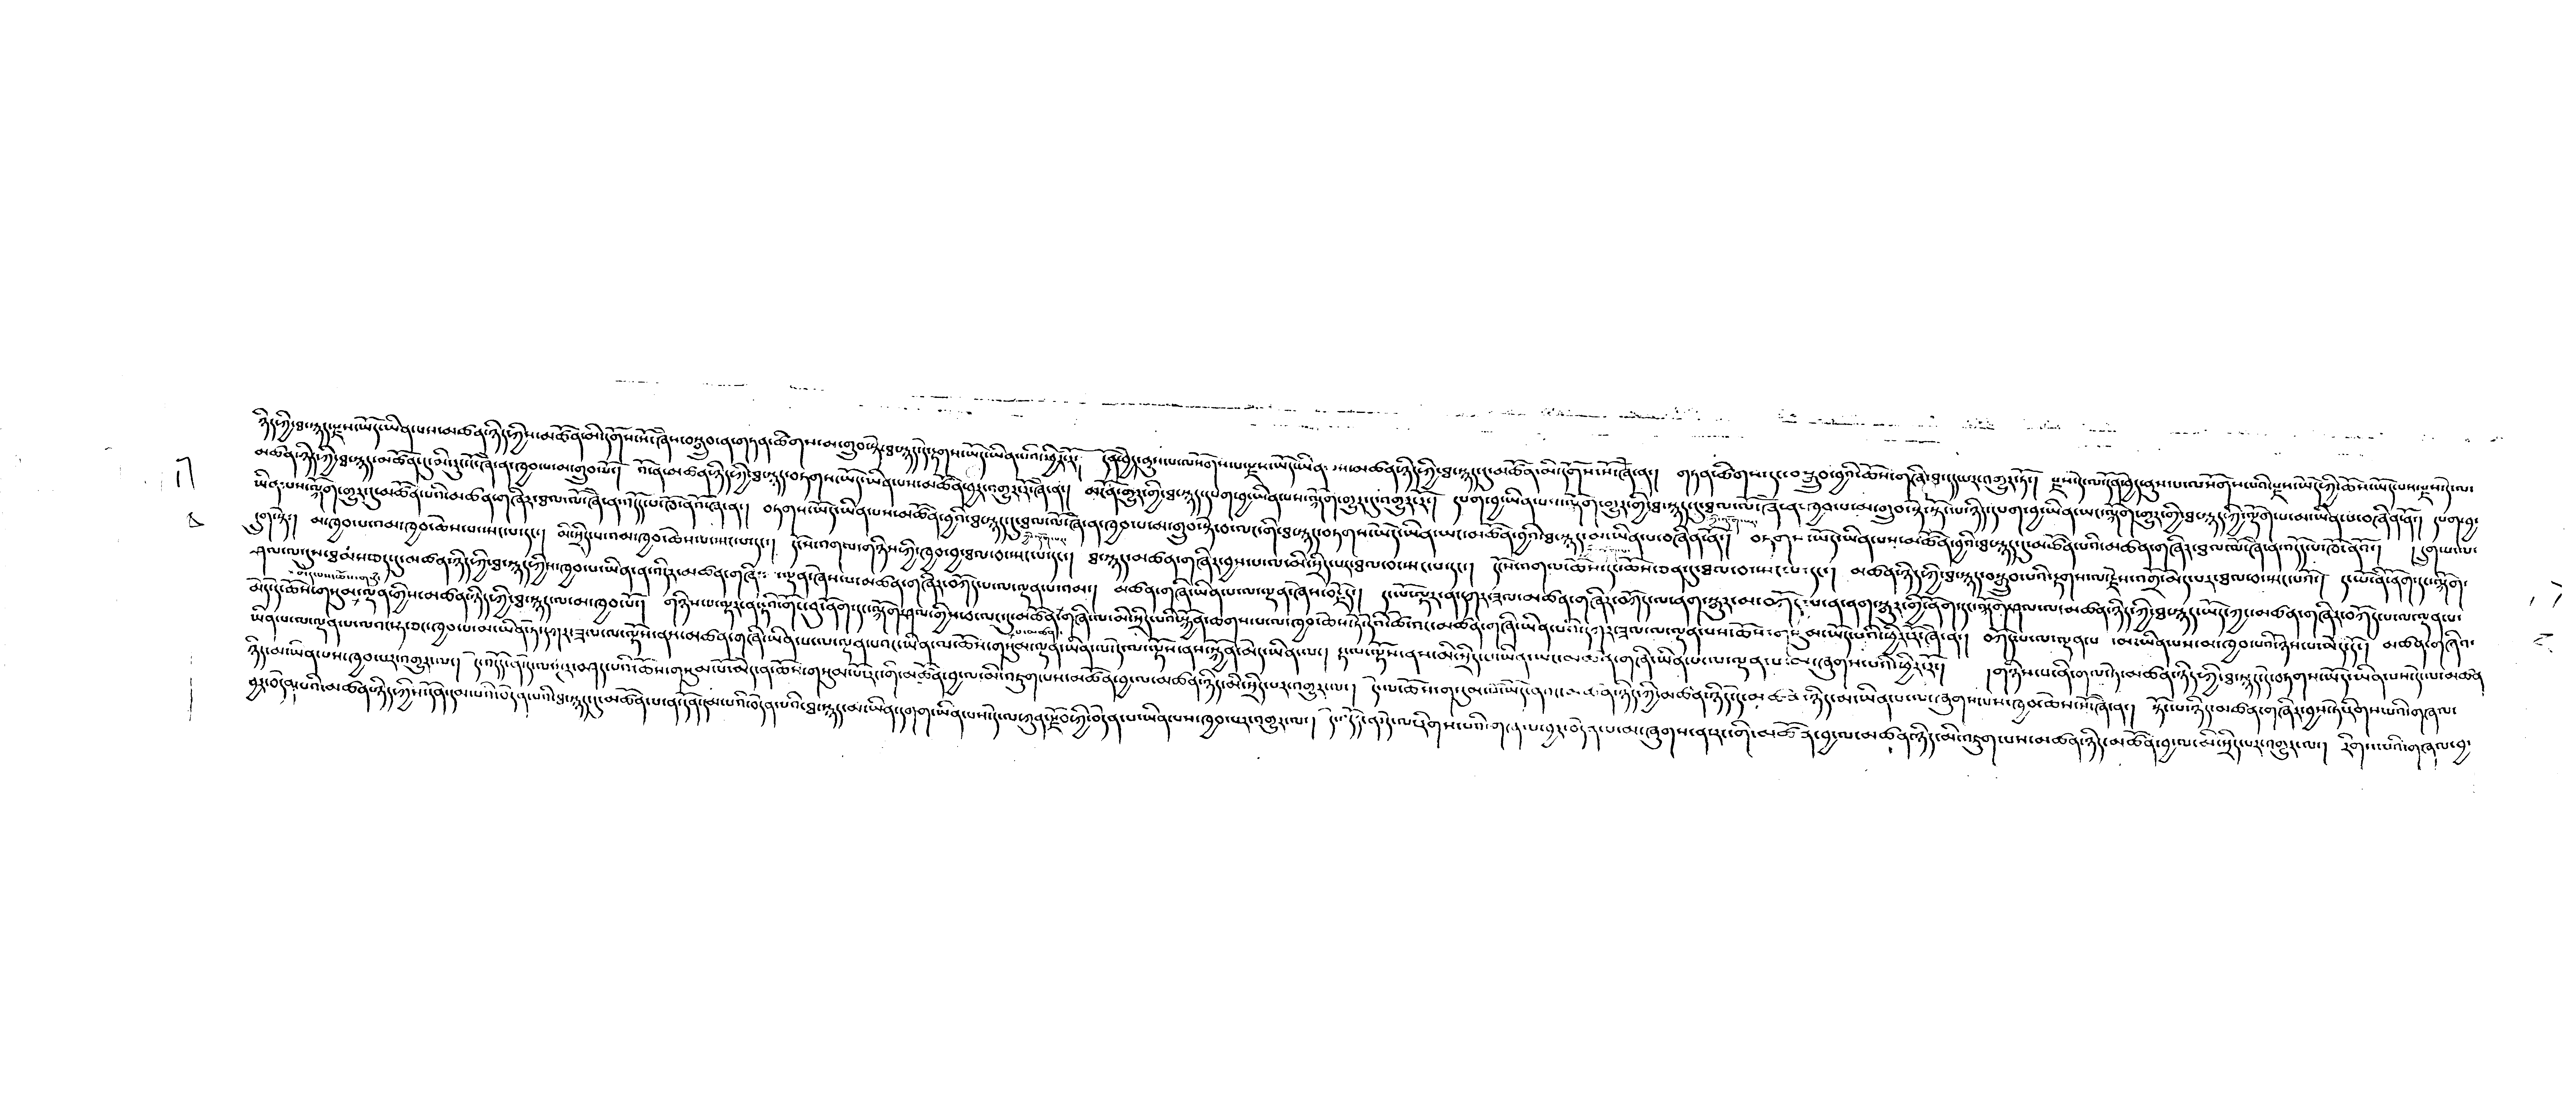ཉིད་ཀྱི་ཐ་སྙད་རྫས་ཡོད་ཡིན་པས་མཚན་ཉིད་ཀྱིས་མཚོན་མི་དགོས་སོ་ཞེས་བསྒྲུབ་ན་གཏན་ཚིགས་མ་གྲུབ་སྟེ་ཐ་སྙད་དེ་རྟགས་ཡོད་ཡིན་པའི་ཕྱིར་རོ། དོན་བྱེད་ནུས་པ་ལ་སོགས་པ་རྫས་ཡོད་ཡིན་པས་མཚན་ཉིད་ཀྱི་ཐ་སྙད་དུ་མཚོན་མི་དགོས་སོ་ཞེ་ན། གཏན་ཚིགས་དང་བསྒྲུབ་བྱའི་ཆོས་གཞི་ཐ་དད་པར་འགྱུར་ཏོ། རྫས་དེ་ལ་དོན་བྱེད་ནུས་པ་ལ་སོགས་པའི་རྫས་ཡོད་ཀྱི་ཆོས་ཡོད་པས་རྫས་དེ་ལ་
མཚན་ཉིད་ཀྱི་ཐ་སྙད་མཚོན་དུ་མི་རུང་ངོ་ཞེ་ན་ཁྱབ་པ་མ་གྲུབ་པོ། འོ་ན་མཚན་ཉིད་ཀྱི་ཐ་སྙད་བཏགས་ཡོད་ཡིན་པས་མཚོན་བྱར་འགྱུར་རོ་ཞེ་ན། མངོན་གྱུར་གྱི་ཐ་སྙད་དཔག་བྱ་ཡིན་པས་ལྐོག་གྱུར་དུ་འགྱུར་རོ། དཔག་བྱ་ཡིན་པས་ལྡོག་གྱུར་གྱི་ཐ་སྙད་དུ་ཐལ་ལོ་ཞེ་ན་ཁྱབ་པ་མ་གྲུབ་སྟེ་སྟོང་པ་ཉིད་དཔག་བྱ་ཡིན་ཡང་ལྐོག་གྱུར་གྱི་ཐ་སྙད་ཀྱི་ལྡོག་པ་མ་ཡིན་པ་བཞིན་ནོ། དཔག་བྱ་
ཡིན་པས་ལྐོག་གྱུར་དུ་མཚོན་པའི་མཚན་གཞིར་ཐལ་ལོ་ཞེ་ན་འདོད་པ་ཁོ་ནའོ་ཞེ་ན། བཏགས་ཡོད་ཡིན་པས་མཚོན་བྱའི་ཐ་སྙད་དུ་ཐལ་ལོ་ཞེ་ན་ཁྱབ་པ་མ་གྲུབ་སྟེ་བ་ལང་གི་ཐ་སྙད་བཏགས་ཡོད་ཡིན་ཡང་མཚོན་བྱའི་ཐ་སྙད་མ་ཡིན་པ་བཞིན་ནོ། བཏགས་ཡོད་ཡིན་པས་མཚོན་བྱའི་ཐ་སྙད་དུ་མཚོན་པའི་མཚན་གཞིར་ཐལ་ལོ་ཞེ་ན་འདོད་པ་ཁོ་ནའོ། །དྲུག་པ་ལ་
དྲུག་སྟེ། མ་ཁྱབ་པ་འམ་ཁྱབ་ཆོས་པ་སྤང་པ་དང་། མི་སྲིད་པ་འམ་ཁྱབ་ཆེས་པ་སྤང་པ་དང་། དངོས་འགལ་གཉིས་ཀྱི་ཁྱབ་བྱ་ཐལ་བ་སྤང་པ་དང་། ཐ་སྙད་མཚན་གཞིར་བྱས་པ་ལ་མི་སྲིད་པར་ཐལ་བ་སྤང་པ་དང་། དངོས་འགལ་ཆོས་དང་ཆོས་ཅན་དུ་ཐལ་བ་སྤང་པ་དང་། མཚན་ཉིད་ཀྱི་ཐ་སྙད་བསྒྲུབ་པའི་རྟགས་ལ་རྗེས་འགྲོ་མེད་པར་ཐལ་བ་སྤང་པའོ། དང་པོ་ནི་ནོག་དང་ལྐོག་
ཤལ་ལ་དུས་ཐམས་ཅད་དུ་མཚན་ཉིད་ཀྱི་ཐ་སྙད་ཀྱིས་ཁྱབ་པ་ཡིན་ན་འདིར་མཚན་གཞི་ལྡན་ཞེས་པ་མཚན་གཞིར་བཀོད་པ་ལ་ལྡན་པ་འམ། མཚན་གཞི་ཡིན་པ་ལ་ལྡན་ཞེས་བརྗོད། དང་པོ་ལྟར་ན་དཀར་ཟལ་མཚན་གཞིར་བཀོད་ལ་ནག་སྒུར་མ་བཀོད་པ་ནག་སྒུར་གྱི་ནོག་དང་ལྐོག་ཤལ་ལ་མཚན་ཉིད་ཀྱི་ཐ་སྙད་ཡོད་ཀྱང་མཚན་གཞིར་བཀོད་པ་ལ་ལྡན་པ་
མེད་དེ་ཆོས་གསུམ་ལྡན་གྱིས་མཚན་ཉིད་ཀྱི་ཐ་སྙད་ལ་མ་ཁྱབ་པོ། གཉིས་པ་ལྟར་ན་རྟའི་གོང་བུ་ནོག་དང་ལྐོག་ཤལ་གྱིས་བ་ལང་དུ་མཚོན་པ་མཚན་གཞི་ལ་མི་སྲིད་པའི་སྐྱོན་ཆགས་པ་ལ་ཁྱབ་ཆེས་ཏེ་དེའི་ཚེ་འང་མཚན་གཞི་ཡིན་པའི་དཀར་ཟལ་ལ་ལྡན་པས་ཆོས་གསུམ་ཡོད་པའི་ཕྱིར་རོ་ཞེ་ན། བཀོད་པ་ལ་ལྡན་པ་མ་ཡིན་པས་མ་ཁྱབ་པའི་ཉེས་པ་མེད་དོ། མཚན་གཞིས་
ཡིན་པ་ལ་ལྡན་པ་ལའང་ཧ་ཅང་ཁྱབ་པ་མ་ཡིན་ཏེ་དཀར་ཟལ་ལ་ལྟོས་ནས་མཚན་གཞི་ཡིན་པ་ལ་ལྡན་པའང་ཡིན་ལ་ཆོས་གསུམ་ལྡན་ཡིན་ལ་དེ་ལ་ལྟོས་ནས་སྐྱོན་མེད་ཡིན་ལ། རྟ་ལ་ལྟོས་ནས་མི་སྲིད་པ་ཡིན་ཡང་མཚན་གཞི་ཡིན་པ་ལ་ལྡན་པ་མ་ཞུགས་པའི་ཕྱིར་རོ། །གཉིས་པ་ནི་གལ་ཏེ་མཚན་ཉིད་ཀྱི་ཐ་སྙད་དེ་བཏགས་ཡོད་ཡིན་པས་དེ་ལ་མཚན་
ཉིད་མ་ཡིན་པས་ཁྱབ་པར་འགྱུར་ལ། དེ་འདོད་ན་དེ་ལ་སྔར་བཤད་པའི་ཆོས་གསུམ་པོ་མེད་ན་ཆོས་གསུམ་པོ་རང་གི་མཚོན་བྱ་ལ་མི་འཇུག་པས་མཚོན་བྱ་ལ་མཚན་ཉིད་མི་སྲིད་པར་འགྱུར་ལ། དེ་ལ་ཆོས་གསུམ་པོ་ཡོད་ནའང་མཚན་ཉིད་ཀྱི་མཚན་ཉིད་དེ་མཚན་ཉིད་མ་ཡིན་པ་ལ་ཞུགས་པས་ཁྱབ་ཆོས་སོ་ཞེ་ན། སྟོང་པ་ཉིད་མཚན་གཞིར་བྱས་ཏེ་རིགས་པའི་གཞལ་
བྱར་བདེན་པའི་མཚན་ཉིད་ཀྱིས་དོན་དམ་པའི་བདེན་པའི་ཐ་སྙད་དུ་མཚོན་པ་ན་དོན་དམ་པའི་བདེན་པའི་ཐ་སྙད་མ་ཡིན་དགག་ཡིན་པས་དེ་ལ་ཀུན་རྫོབ་ཀྱི་བདེན་པ་ཡིན་པས་ཁྱབ་པར་འགྱུར་ལ། དེ་འདོད་ན་དེ་ལ་རིགས་པའི་གཞལ་བྱར་བདེན་པ་མ་ཞུགས་ན་རང་གི་མཚོན་བྱ་ལ་མཚན་ཉིད་མི་འཇུག་པས་མཚན་ཉིད་མཚོན་བྱ་ལ་མི་སྲིད་པར་འགྱུར་ལ། རིགས་པའི་གཞལ་བྱ་